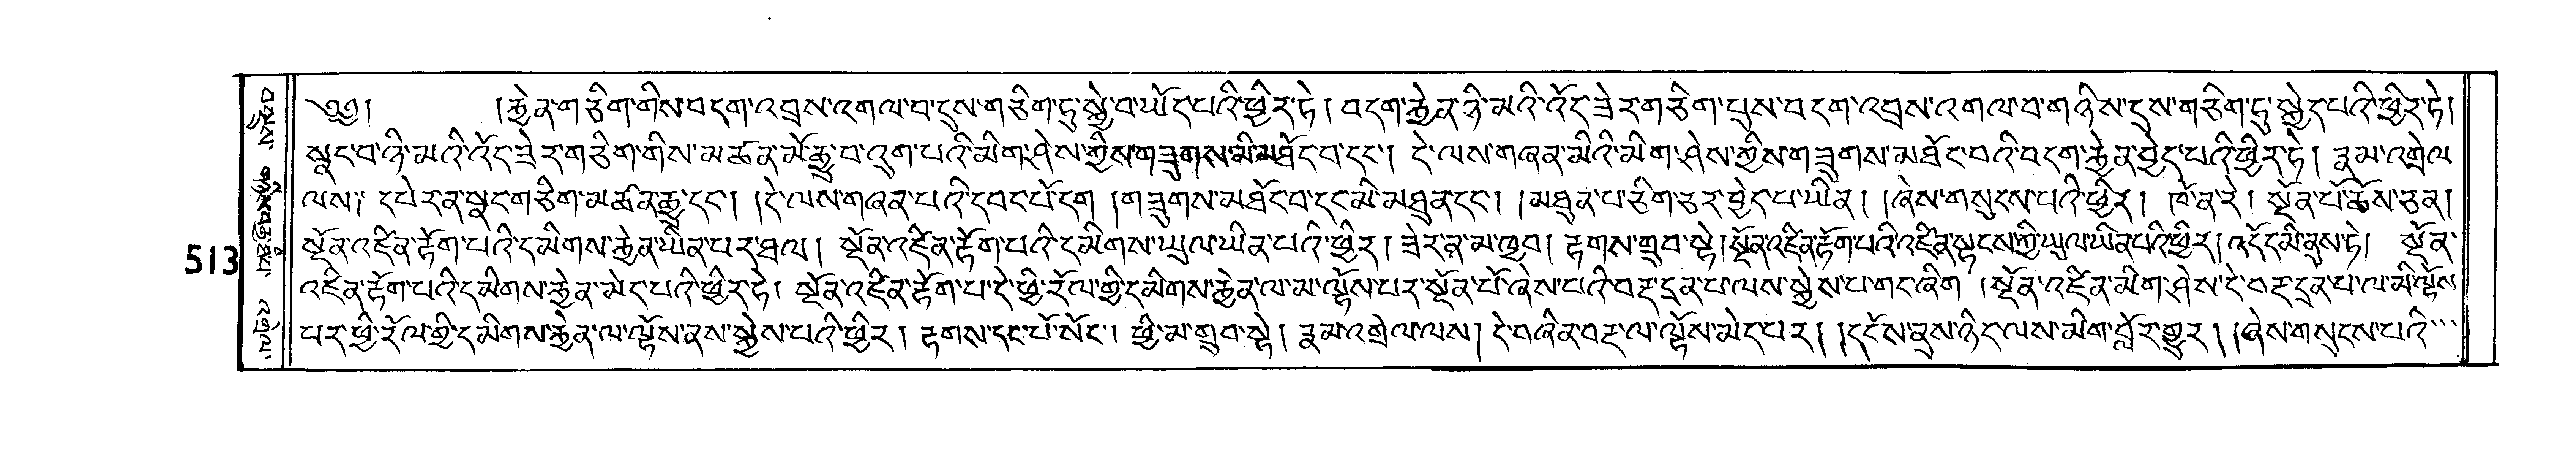༄༅། །རྐྱེན་གཅིག་གིས་བདག་འབྲས་འགལ་བ་དུས་གཅིག་ཏུ་སྐྱེ་བ་ཡོད་པའི་ཕྱིར་ཏེ། བདག་རྐྱེན་ཉི་མའི་འོད་ཟེར་གཅིག་པུས་བདག་འབྲས་འགལ་བ་གཉིས་དུས་གཅིག་ཏུ་སྐྱེད་པའི་ཕྱིར་ཏེ།
སྣང་བ་ཉི་མའི་འོད་ཟེར་གཅིག་གིས་མཚན་མོ་རྒྱུ་བ་འུག་པའི་མིག་ཤེས་ཀྱིས་གཟུགས་མི་མཐོང་བ་དང་། དེ་ལས་གཞན་མིའི་མིག་ཤེས་ཀྱིས་གཟུགས་མཐོང་བའི་བདག་རྐྱེན་བྱེད་པའི་ཕྱིར་ཏེ། རྣམ་འགྲེལ་
ལས༑ དཔེར་ན་སྣང་གཅིག་མཚན་རྒྱུ་དང་། །དེ་ལས་གཞན་པའི་དབང་པོ་དག །གཟུགས་མཐོང་བ་དང་མི་མཐུན་དང་། །མཐུན་པ་ཅིག་ཅར་བྱེད་པ་ཡིན། །ཞེས་གསུངས་པའི་ཕྱིར། ཁོ་ན་རེ། སྔོན་པོ་ཆོས་ཅན།
སྔོན་འཛིན་རྟོག་པའི་དམིགས་རྐྱེན་ཡིན་པར་ཐལ། སྔོན་འཛིན་རྟོག་པའི་དམིགས་ཡུལ་ཡིན་པའི་ཕྱིར། ཟེར་ན་མ་ཁྱབ། རྟགས་གྲུབ་སྟེ། སྔོན་འཛིན་རྟོག་པའི་འཛིན་སྟངས་ཀྱི་ཡུལ་ཡིན་པའི་ཕྱིར། འདོད་མི་ནུས་ཏེ། སྔོན་
འཛིན་རྟོག་པའི་དམིགས་རྐྱེན་མེད་པའི་ཕྱིར་ཏེ། སྔོན་འཛིན་རྟོག་པ་དེ་ཕྱི་རོལ་གྱི་དམིགས་རྐྱེན་ལ་མ་ལྟོས་པར་སྔོན་པོ་ཞེས་པའི་བརྡ་དྲན་པ་ལས་སྐྱེས་པ་གང་ཞིག །སྔོན་འཛིན་མིག་ཤེས་དེ་བརྡ་དྲན་པ་ལ་མི་ལྟོས་
པར་ཕྱི་རོལ་གྱི་དམིགས་རྐྱེན་ལ་ལྟོས་ནས་སྐྱེས་པའི་ཕྱིར། རྟགས་དང་པོ་སོང་། ཕྱི་མ་གྲུབ་སྟེ། རྣམ་འགྲེལ་ལས། དེ་བཞིན་བརྡ་ལ་ལྟོས་མེད་པར། །དངོས་ནུས་ཉིད་ལས་མིག་བློར་གྱུར། །ཞེས་གསུངས་པའི་